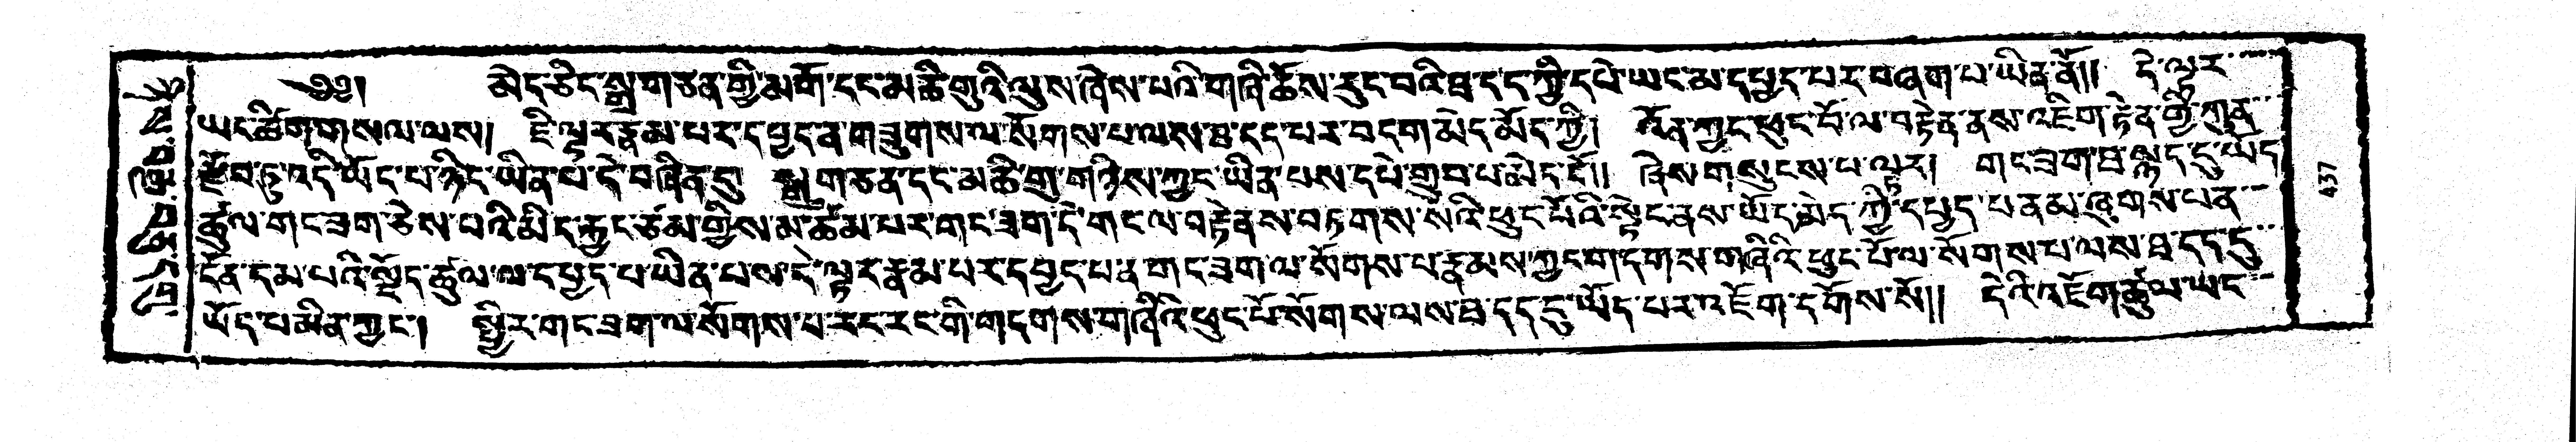༄༅། །མེད་ཅིང་སྒྲ་གཅན་གྱི་མགོ་དང་མཆི་གུའི་ལུས་ཞེས་པའི་གཞི་ཆོས་རུང་བའི་ཐ་དད་ཀྱི་དཔེ་ཡང་མ་དཔྱད་པར་བཞག་པ་ཡིན་ནོ། །དེ་ལྟར་
ཡང་ཚིག་གསལ་ལས། ཇི་ལྟར་རྣམ་པར་དཔྱད་ན་གཟུགས་ལ་སོགས་པ་ལས་ཐ་དད་པར་བདག་མེད་མོད་ཀྱི། འོན་ཀྱང་ཕུང་པོ་ལ་བརྟེན་ནས་འཇིག་རྟེན་གྱི་ཀུན་
རྫོབ་ཏུ་འདི་ཡོད་པ་ཉིད་ཡིན་པ་དེ་བཞིན་དུ། སྒྲུག་ཅན་དང་མཆི་གུ་གཉིས་ཀྱང་ཡིན་པས་དཔེ་གྲུབ་པ་མེད་དོ། །ཞེས་གསུངས་པ་ལྟར། གང་ཟག་ཐ་སྙད་དུ་ཡོད་
ཚུལ་གང་ཟག་ཅེས་པའི་མིང་རྐྱང་ཙམ་གྱིས་མ་ཚམ་པར་གང་ཟག་དེ་གང་ལ་བརྟེན་ནས་བཏགས་སའི་ཕུང་པོའི་སྟེང་ནས་ཡོད་མེད་ཀྱི་དཔྱད་པ་ནམ་ཞུགས་པ་ན་
དོན་དམ་པའི་སྡོད་ཚུལ་ལ་དཔྱད་པ་ཡིན་པས་དེ་ལྟར་རྣམ་པར་དཔྱད་པ་ན་གང་ཟག་ལ་སོགས་པ་རྣམས་ཀྱང་གདགས་གཞིའི་ཕུང་པོ་ལ་སོགས་པ་ལས་ཐ་དད་དུ་
ཡོད་པ་མིན་ཀྱང་། སྤྱིར་གང་ཟག་ལ་སོགས་པ་རང་རང་གི་གདགས་གཞིའི་ཕུང་པོ་སོགས་ལས་ཐ་དད་དུ་ཡོད་པར་འཇོག་དགོས་སོ། །དེའི་འཇོག་ཚུལ་ཡང་